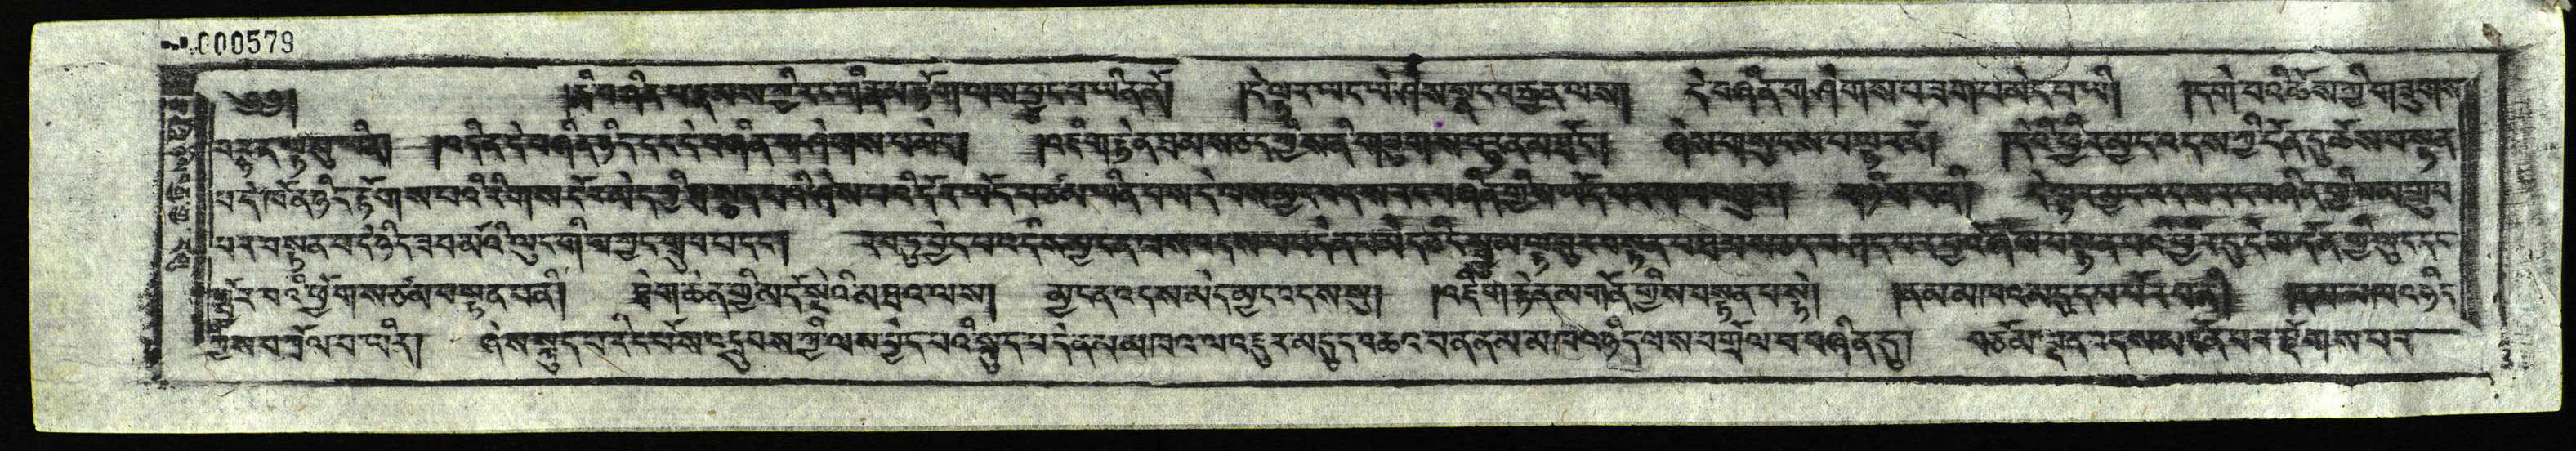༄༅། །རྨི་བཞིན་པ་རྣམས་ཀྱི་རང་གི་རྣམ་རྟོག་ལས་བྱུང་བ་ཡིན་ནོ། །དེ་ལྟར་ཡང་ཡེ་ཤེས་སྣང་བ་རྒྱན་ལས། དེ་བཞིན་གཤེགས་པ་ཟག་པ་མེད་པ་ཡི། །དགེ་བའི་ཆོས་ཀྱི་གཟུགས་
བརྙན་ལྟ་བུ་ཡིན། །འདི་ན་དེ་བཞིན་ཉིད་དང་དེ་བཞིན་གཤེགས་པ་མེད། །འཇིག་རྟེན་ཐམས་ཅད་ཀྱིས་ནི་གཟུགས་བརྙན་མཐོང་། ཞེས་གསུངས་པ་ལྟར་རོ། །དེའི་ཕྱིར་མྱང་འདས་ཀྱི་དོན་དུ་ཆོས་བསྟན་
པ་དེ་ཁོ་ན་ཉིད་རྟོགས་པའི་རིགས་ངོར་མེད་ཀྱི་ཐ་སྙན་པའི་ཤེས་པའི་ངོར་ཡོད་པ་ཙམ་ཡིན་པས་དེ་ལས་མྱང་འདས་རང་བཞིན་གྱིས་ཡོད་པར་ག་ལ་འགྱུར། གཉིས་པ་ནི། དེ་ལྟར་མྱང་འདས་རང་བཞིན་གྱིས་མ་གྲུབ་
པར་བསྟན་པ་དེ་ཉིད་ཟབ་མོའི་ལུང་གིས་ཀྱང་གྲུབ་པ་དང་། རབ་ཏུ་བྱེད་པ་འདིས་མྱ་ངན་ལས་འདས་པ་བདེན་པ་མེད་ཅིང་སྒྱུ་མ་ལྟ་བུར་བསྟན་པ་ཐམས་ཅད་བཤད་པར་བྱའོ་ཞེས་བསྟན་པའི་ཕྱིར་དུ་ངེས་དོན་གྱི་ལུང་དང་
སྦྱོར་བའི་ཕྱོགས་ཙམ་བསྟན་པ་ནི། ཐེག་ཆེན་གྱི་མདོ་སྡེའི་མཐའ་ལས། མྱ་ངན་འདས་མེད་མྱང་འདས་སུ། །འཇིག་རྟེན་མགོན་གྱིས་བསྟན་པ་སྟེ། །ནམ་མཁའ་མདུད་པ་པོ་རབ་ནི། །ནམ་མཁའ་ཉིད་
ཀྱིས་བགྲོལ་བ་ཡིན། ཞེས་སྐུད་པ་རིང་པོས་འདྲུབས་ཀྱི་ལས་བྱེད་པའི་སྐུད་པ་དེ་ནམ་མཁའ་ལ་འཇུར་མདུད་འཆའ་བ་ན་ནམ་མཁའ་ཉིད་ལས་བགྲོལ་བ་བཞིན་དུ། བཅོམ་ལྡན་འདས་མངོན་པར་རྫོགས་པར་